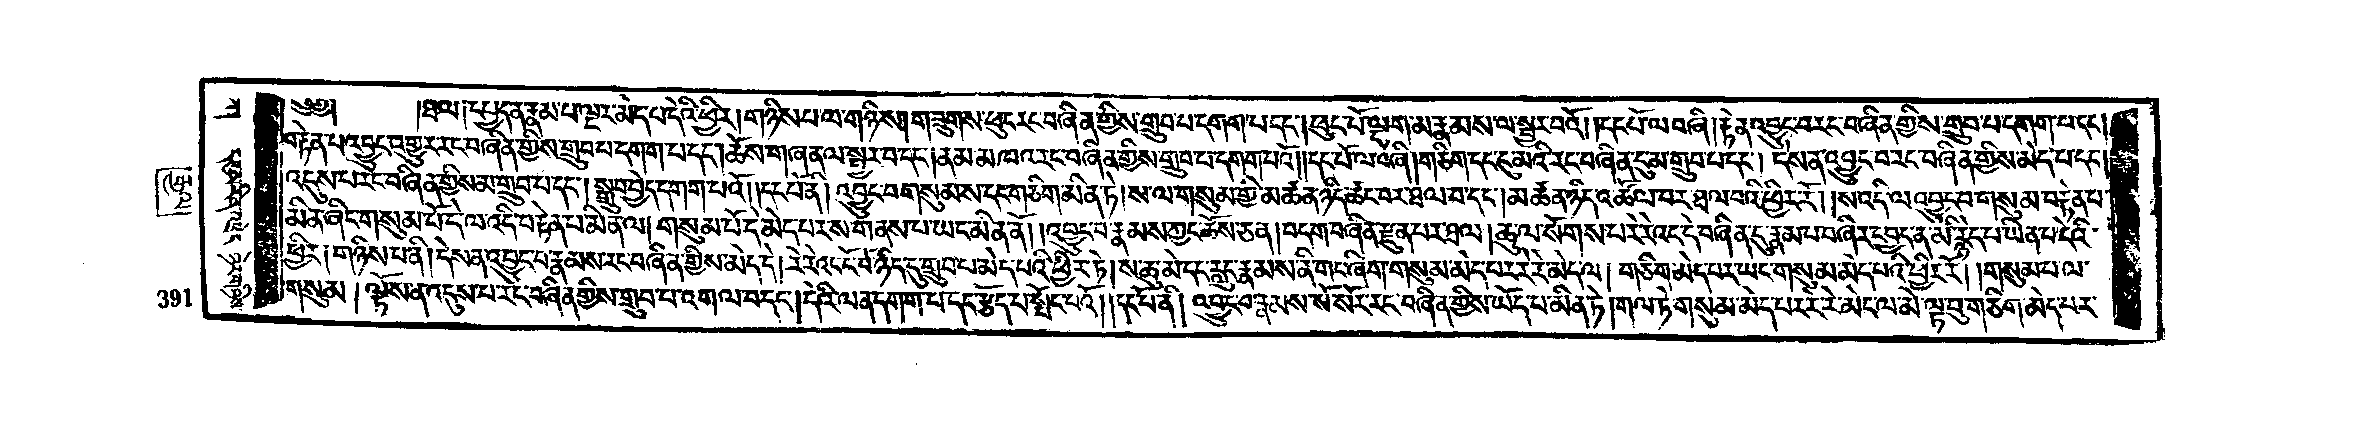༄༅། །ཐལ། དཔྱད་ན་རྣམ་པ་ལྔར་མེད་པ་དེའི་ཕྱིར། གཉིས་པ་ལ་གཉིས། གཟུགས་ཕུང་རང་བཞིན་གྱིས་གྲུབ་པ་དགག་པ་དང་། ཕུང་པོ་ལྔག?་མ་རྣམས་ལ་སྦྱར་བའོ། །དང་པོ་ལ་བཞི། རྟེན་འབྱུང་བ་རང་བཞིན་གྱིས་གྲུབ་པ་དགག་པ་དང་།
བརྟེན་པ་འབྱུང་འགྱུར་རང་བཞིན་གྱིས་གྲུབ་པ་དགག་པ་དང་། ཆོས་གཞན་ལ་སྦྱར་བ་དང་། ནམ་མཁའ་རང་བཞིན་གྱིས་གྲུབ་པ་དགག་པའོ། །དང་པོ་ལ་བཞི། གཅིག་དང་དུ་མའི་རང་བཞིན་དུ་མ་གྲུབ་པ་དང་། དེས་ན་འབྱུང་བ་རང་བཞིན་གྱིས་མེད་པ་དང་།
འདུས་པ་རང་བཞིན་གྱིས་མ་གྲུབ་པ་དང་། སྒྲུབ་བྱེད་དགག་པའོ། །དང་པོ་ནི། འབྱུང་བ་གསུམ་ས་དང་གཅིག་མིན་ཏེ། ས་ལ་གསུམ་གྱི་མཚན་ཉིད་ཚང་བར་ཐལ་བ་དང་། མཚན་ཉིད་འཚོལ་བར་ཐལ་བའི་ཕྱིར་རོ། །ས་འདི་ལ་འབྱུང་བ་གསུམ་བརྟེན་པ་
མིན་ཞིང་གསུམ་པོ་དེ་ལ་འདི་བརྟེན་པ་མིན་ལ། གསུམ་པོ་དེ་མེད་པར་ས་གནས་པ་ཡང་མིན་ནོ། །འབྱུང་བ་རྣམས་ཀྱང་ཆོས་ཅན། བདག་བཞིན་རྫུན་པར་ཐལ། ཆུ་ལ་སོགས་པ་རེ་རེའང་དེ་བཞིན་དུ་རྣམ་པ་བཞིར་དབྱང་ན་མི་རྙེད་པ་ཡིན་པ་དེའི་
ཕྱིར། གཉིས་པ་ནི། དེས་ན་འབྱུང་བ་རྣམས་རང་བཞིན་གྱིས་མེད་དེ། རེ་རེའང་ངོ་བོ་ཉིད་དུ་གྲུབ་པ་མེད་པའི་ཕྱིར་ཏེ། ས་ཆུ་མེ་དང་རླུང་རྣམས་ནི་གང་ཞིག་གསུམ་མེད་པར་རེ་རེ་མེད་ལ། གཅིག་མེད་པར་ཡང་གསུམ་མེད་པའི་ཕྱིར་རོ། །གསུམ་པ་ལ་
གསུམ། ལྟོས་ན་འདུས་པ་རང་བཞིན་གྱིས་གྲུབ་པ་འགལ་བ་དང་། དེའི་ལན་དགག་པ་དང་རྩོད་པ་སྤོང་བའོ། །དང་པོ་ནི། འབྱུང་བ་རྣམས་སོ་སོར་རང་བཞིན་གྱིས་ཡོད་པ་མིན་ཏེ། གལ་ཏེ་གསུམ་མེད་པར་རེ་རེ་མེད་ལ་མེ་ལྟ་བུ་གཅིག་མེད་པར་